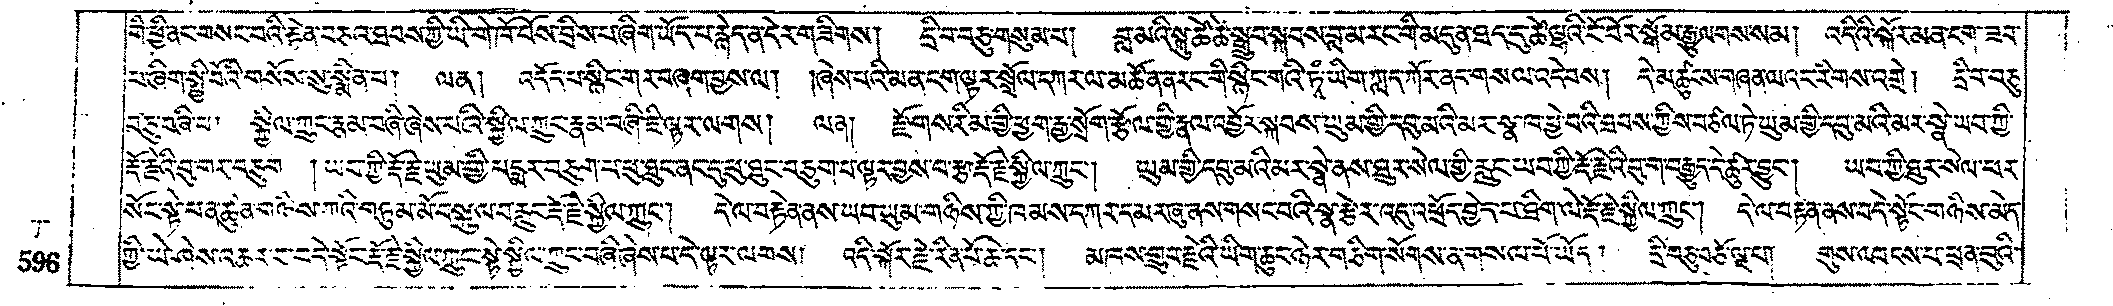གི་ཕྱི་ནང་གསང་བའི་རྟེན་བཅའ་ཐབས་ཀྱི་ཡི་གེ་ཁོ་བོས་བྲིས་པ་ཞིག་ཡོད་པ་རྙེད་ན་དེར་གཟིགས། དྲི་བ་བཅུ་གསུམ་པ། བླ་མའི་སྐུ་ཚེ་ཚེ་སྒྲུབ་སྐབས་བླ་མ་རང་གི་མདུན་ཐད་དུ་ཚེ་ལྷའི་ངོ་བོར་སྒོམ་རྒྱུ་ལགས་སམ། འདིའི་སྐོར་མན་ངག་ཟབ་
པ་ཞིག་སྤྱི་བོའི་གསོས་སུ་སྨིན་པ། ལན། འདོད་པ་སྙིང་གར་བཞག་བྱས་ལ། །ཞེས་པའི་མན་ངག་ལྟར་སྒྲོལ་དཀར་ལ་མཚོན་ན་རང་གི་སྙིང་གའི་ཏཱཾ་ཡིག་ཀླད་ཀོར་ནང་གསལ་འདེབས། དེ་མཚུངས་གཞན་ལའང་རིགས་འགྲེ། དྲི་བ་བཅུ་
བཅུ་བཞི་པ། སྐྱིལ་ཀྲུང་རྣམ་བཞི་ཞེས་པའི་སྐྱིལ་ཀྲུང་རྣམ་བཞི་ཇི་ལྟར་ལགས། ལན། རྫོགས་རིམ་གྱི་ཕྱག་རྒྱ་སྲོག་རྩོལ་གྱི་རྣལ་འབྱོར་སྐབས་ཡུམ་གྱི་དབུ་མའི་མར་སྣ་ཁ་ཕྱེ་བའི་ཐབས་ཀྱིས་བཙལ་ཏེ་ཡུམ་གྱི་དབུ་མའི་མར་སྣེ་ཡབ་ཀྱི་
རྡོ་རྗེའི་བུ་གར་བཅུག །ཡབ་ཀྱི་རྡོ་རྗེ་ཡུམ་གྱི་པདམར་བཅུག་པ་ཕུ་ཐུང་ནང་དུ་ཕུ་ཐུང་བཅུག་པ་ལྟར་བྱས་པ་རྩ་རྡོ་རྗེ་སྐྱིལ་ཀྲུང་། ཡུམ་གྱི་དབུ་མའི་མར་སྣེ་ནས་ཐུར་སེལ་གྱི་རླུང་ཡབ་ཀྱི་རྡོ་རྗེའི་བུ་ག་བརྒྱུད་དེ་ཚུར་བྱུང་། ཡབ་ཀྱི་ཐུར་སེལ་ཕར་
སོང་སྟེ་ཕན་ཚུན་གཉིས་ཀའི་གཏུམ་མོ་བསྐུལ་བ་རླུང་རྡོ་རྗེ་སྐྱིལ་ཀྲུང་། དེ་ལ་བརྟེན་ནས་ཡབ་ཡུམ་གཉིས་ཀྱི་ཁམས་དཀར་དམར་ཞུ་ནས་གསང་བའི་སྣ་རྩེར་འདུ་འཕྲོད་བྱེད་པ་ཐིག་ལེ་རྡོ་རྗེ་སྐྱིལ་ཀྲུང་། དེ་ལ་བརྟེན་ནས་བདེ་སྟོང་གཉིས་མེད་
ཀྱི་ཡེ་ཤེས་འཆར་བ་བདེ་སྟོང་རྡོ་རྗེ་སྐྱིལ་ཀྲུང་སྟེ་སྐྱིལ་ཀྲུང་བཞི་ཞེས་པ་དེ་ལྟར་ལགས། འདི་སྐོར་རྡོ་རྗེ་རིན་པོ་ཆེ་དང་། མཁས་གྲུབ་རྗེའི་ཡིག་ཆུང་ཉེར་གཅིག་སོགས་ན་གསལ་པོ་ཡོད། དྲི་བཅུ་བཅོ་ལྔ་པ། གུས་འབངས་པ་ཕྲན་བུའི་་་